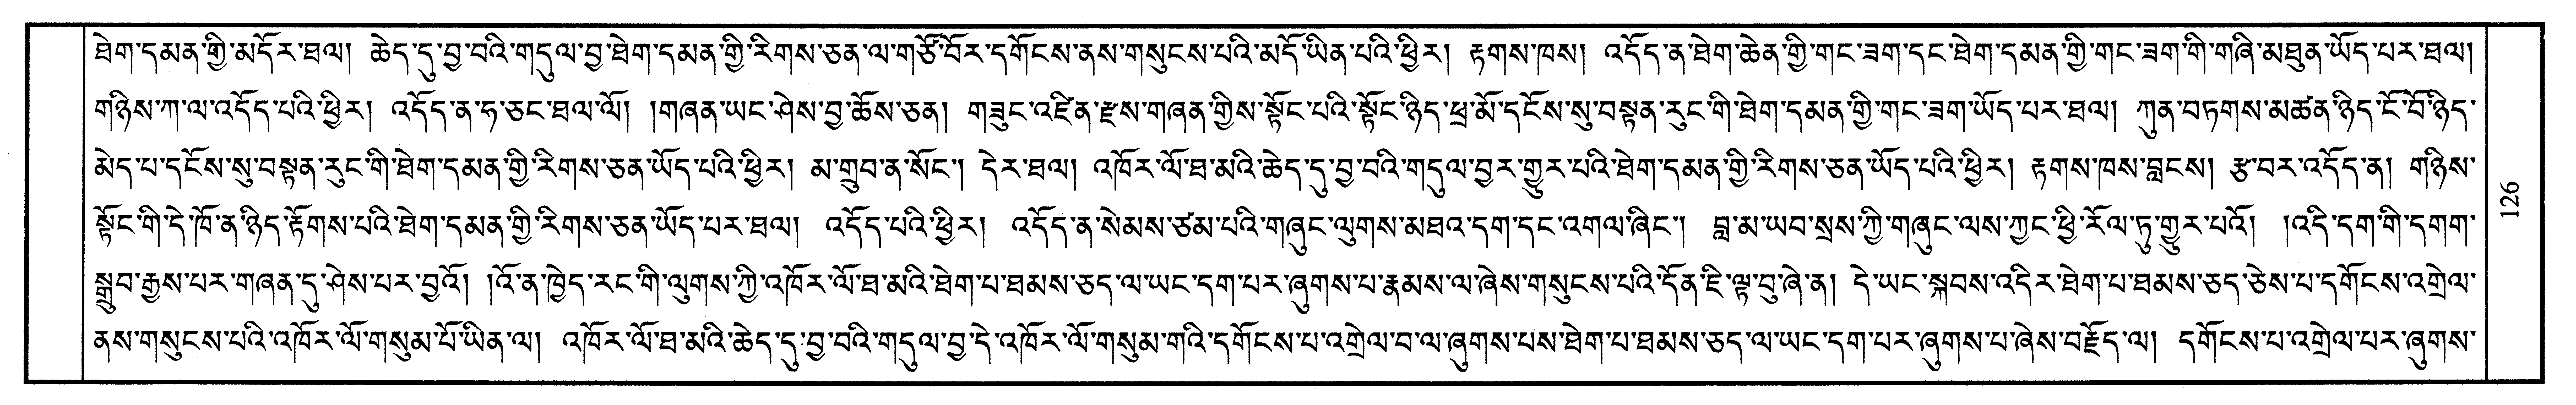ཐེག་དམན་གྱི་མདོར་ཐལ། ཆེད་དུ་བྱ་བའི་གདུལ་བྱ་ཐེག་དམན་གྱི་རིགས་ཅན་ལ་གཙོ་བོར་དགོངས་ནས་གསུངས་པའི་མདོ་ཡིན་པའི་ཕྱིར། རྟགས་ཁས། འདོད་ན་ཐེག་ཆེན་གྱི་གང་ཟག་དང་ཐེག་དམན་གྱི་གང་ཟག་གི་གཞི་མཐུན་ཡོད་པར་ཐལ།
གཉིས་ཀ་ལ་འདོད་པའི་ཕྱིར། འདོད་ན་ཧ་ཅང་ཐལ་ལོ། །གཞན་ཡང་ཤེས་བྱ་ཆོས་ཅན། གཟུང་འཛིན་རྫས་གཞན་གྱིས་སྟོང་པའི་སྟོང་ཉིད་ཕྲ་མོ་དངོས་སུ་བསྟན་རུང་གི་ཐེག་དམན་གྱི་གང་ཟག་ཡོད་པར་ཐལ། ཀུན་བཏགས་མཚན་ཉིད་ངོ་བོ་ཉིད་
མེད་པ་དངོས་སུ་བསྟན་རུང་གི་ཐེག་དམན་གྱི་རིགས་ཅན་ཡོད་པའི་ཕྱིར། མ་གྲུབ་ན་སོང་། དེར་ཐལ། འཁོར་ལོ་ཐ་མའི་ཆེད་དུ་བྱ་བའི་གདུལ་བྱར་གྱུར་པའི་ཐེག་དམན་གྱི་རིགས་ཅན་ཡོད་པའི་ཕྱིར། རྟགས་ཁས་བླངས། རྩ་བར་འདོད་ན། གཉིས་
སྟོང་གི་དེ་ཁོ་ན་ཉིད་རྟོགས་པའི་ཐེག་དམན་གྱི་རིགས་ཅན་ཡོད་པར་ཐལ། འདོད་པའི་ཕྱིར། འདོད་ན་སེམས་ཙམ་པའི་གཞུང་ལུགས་མཐའ་དག་དང་འགལ་ཞིང་། བླ་མ་ཡབ་སྲས་ཀྱི་གཞུང་ལས་ཀྱང་ཕྱི་རོལ་ཏུ་གྱུར་པའོ། །འདི་དག་གི་དགག་
སྒྲུབ་རྒྱས་པར་གཞན་དུ་ཤེས་པར་བྱའོ། །འོ་ན་ཁྱེད་རང་གི་ལུགས་ཀྱི་འཁོར་ལོ་ཐ་མའི་ཐེག་པ་ཐམས་ཅད་ལ་ཡང་དག་པར་ཞུགས་པ་རྣམས་ལ་ཞེས་གསུངས་པའི་དོན་ཇི་ལྟ་བུ་ཞེ་ན། དེ་ཡང་སྐབས་འདིར་ཐེག་པ་ཐམས་ཅད་ཅེས་པ་དགོངས་འགྲེལ་
ནས་གསུངས་པའི་འཁོར་ལོ་གསུམ་པོ་ཡིན་ལ། འཁོར་ལོ་ཐ་མའི་ཆེད་དུ་བྱ་བའི་གདུལ་བྱ་དེ་འཁོར་ལོ་གསུམ་གའི་དགོངས་པ་འགྲེལ་བ་ལ་ཞུགས་པས་ཐེག་པ་ཐམས་ཅད་ལ་ཡང་དག་པར་ཞུགས་པ་ཞེས་བརྗོད་ལ། དགོངས་པ་འགྲེལ་པར་ཞུགས་